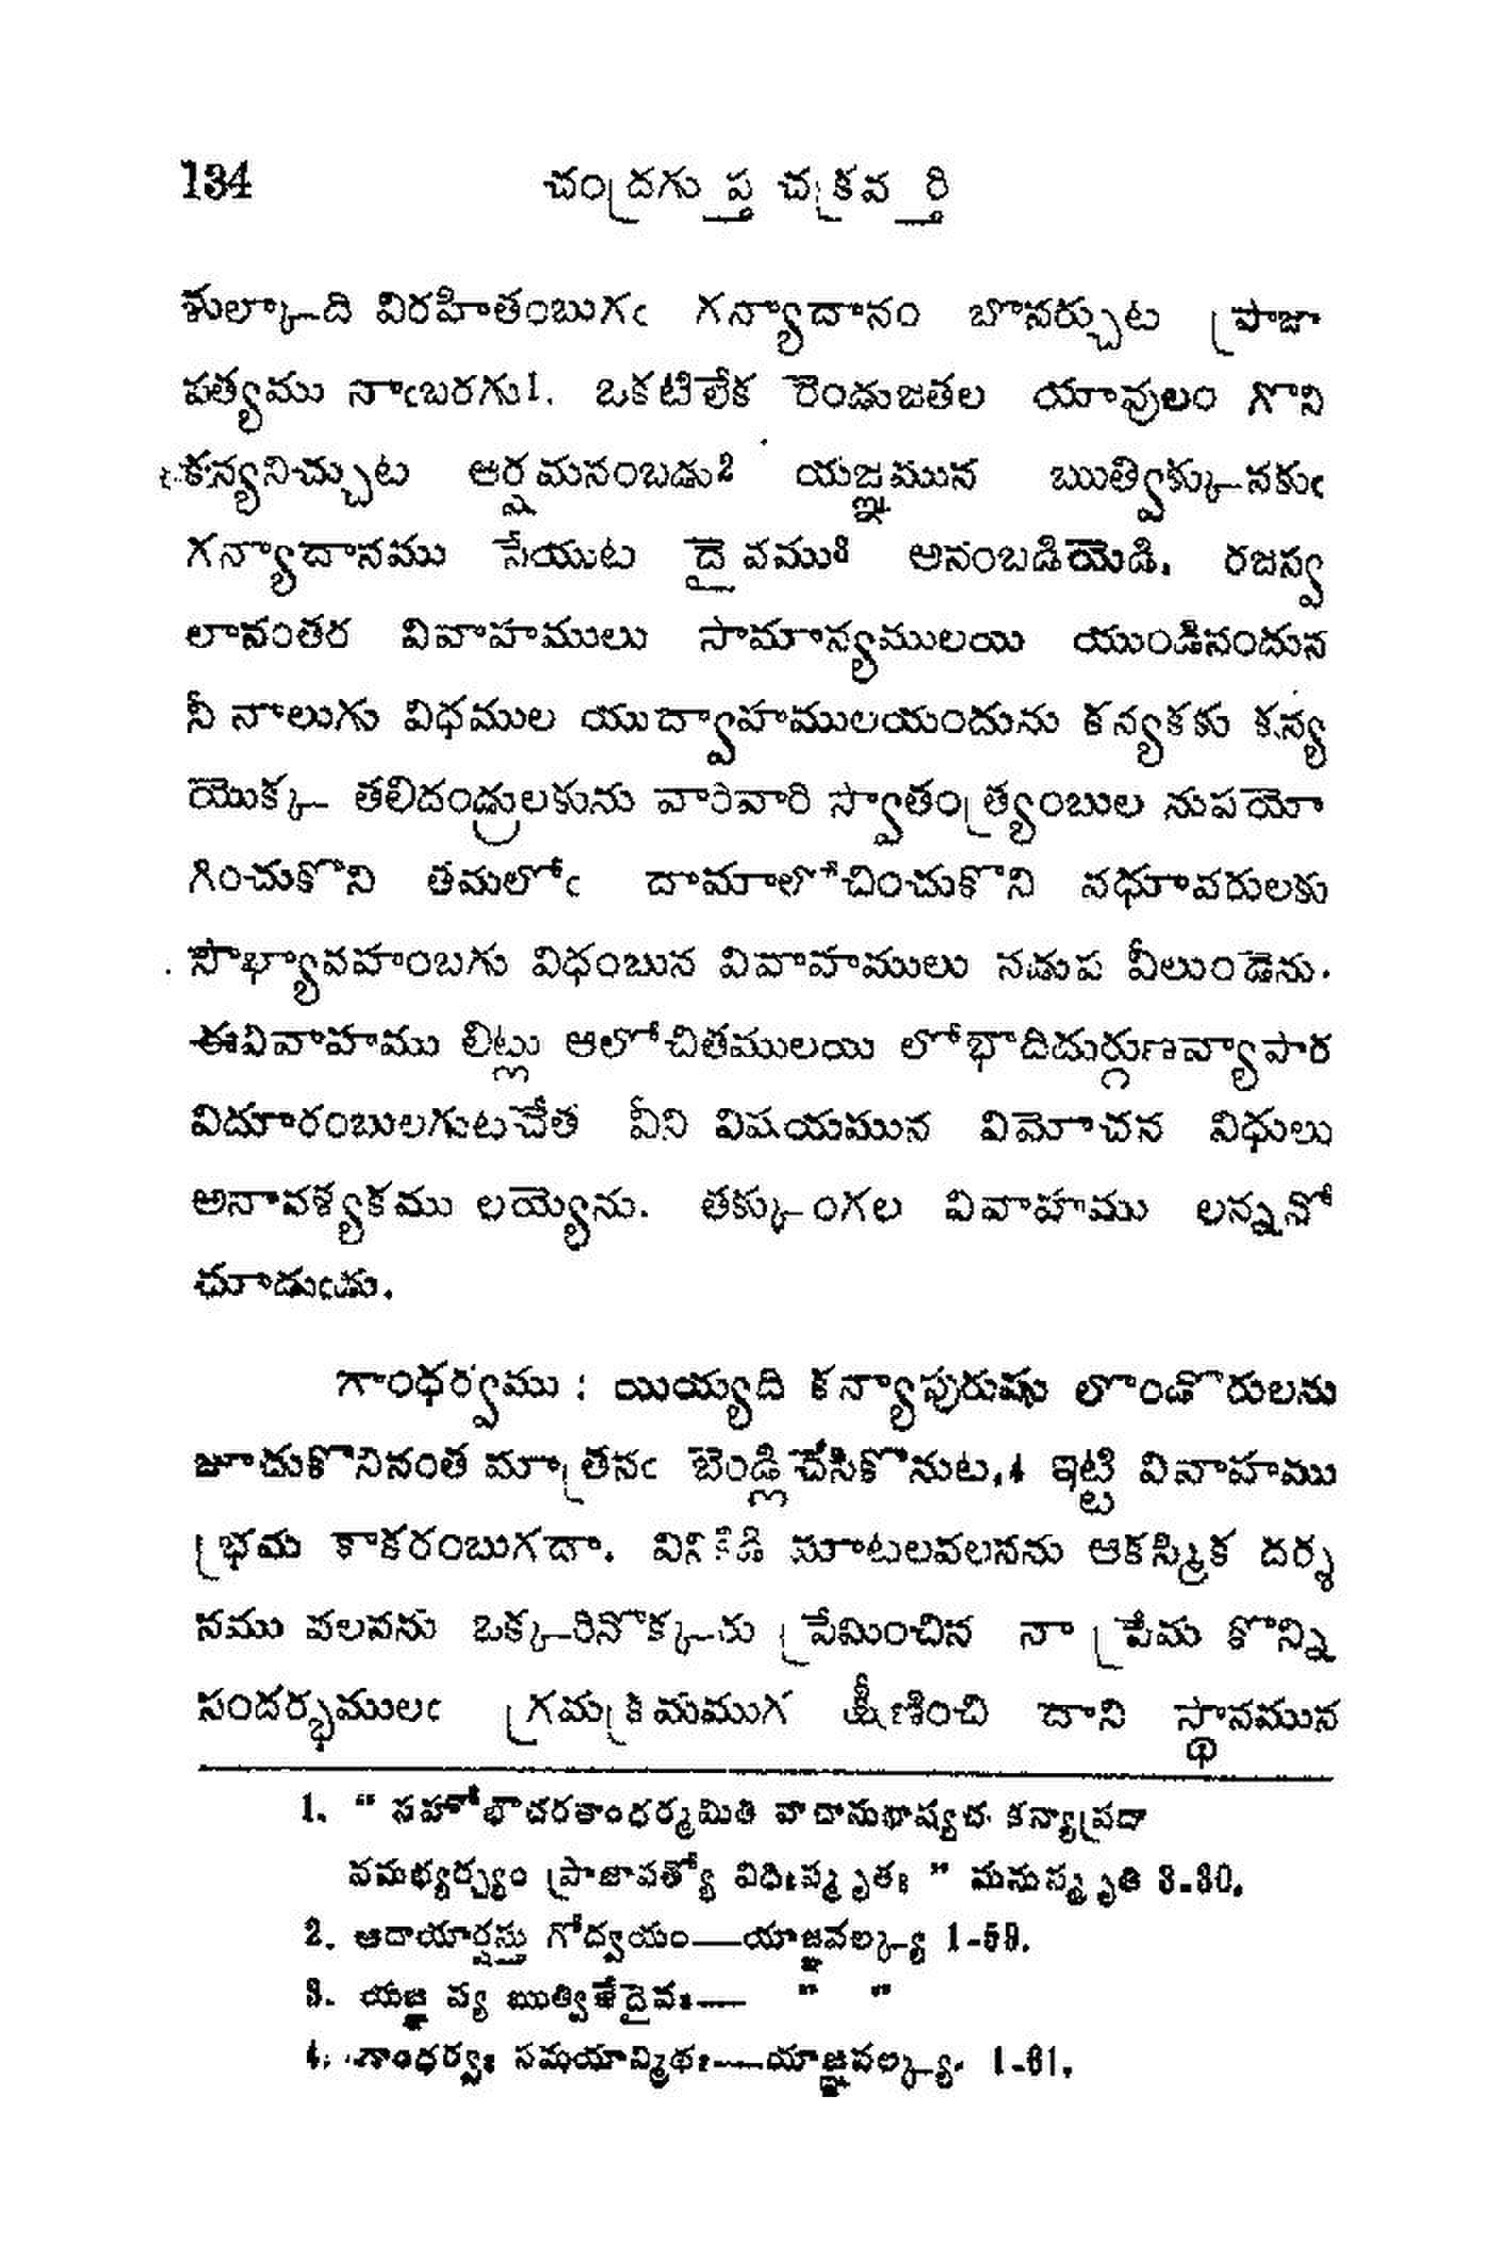శుల్కాది విరహితంబుగఁ గన్యాదానం బొనర్చుట ప్రాజాపత్యము నాఁబరగు.1 ఒకటి లేక రెండు జతల యావులం గొని కన్యనిచ్చుట ఆర్షమనంబడు 2 యజ్ఞమున ఋత్విక్కునకుఁ గన్యాదానము సేయుట దైవము3 అనంబడియెడి, రజస్వలానంతర వివాహములు సామాన్యములయి యుండినందున నీ నాలుగు విధముల యుద్వాహములయందును కన్యకకు కన్యయొక్క తలిదండ్రులకును వారివారి స్వాతంత్ర్యంబుల నుపయోగించుకొని తమలోఁ దామాలోచించుకొని వధూవరులకు సౌఖ్యావహంబగు విధంబున వివాహములు నడుప వీలుండెను. ఈవివాహము లిట్లు ఆలోచితములయి లోభాదిదుర్గుణవ్యాపార విదూరంబులగుటచేత వీని విషయమున విమోచన విధులు అనావశ్యకము లయ్యెను. తక్కుంగల వివాహము లన్ననో చూడుఁడు,

గాంధర్వము : యియ్యది కన్యాపురుషు లొండొరులను జూచుకొనినంత మాత్రనఁ బెండ్లి చేసికొనుట. 4 ఇట్టి వివాహము భ్రమ కాకరంబుగదా. వినికిడి మాటలవలనను ఆకస్మిక దర్శనము వలనను ఒక్కరినొక్కరు ప్రేమించిన నా ప్రేమ కొన్ని సందర్భముల గ్రమక్రమముగ క్షీణించి దాని స్థానమున